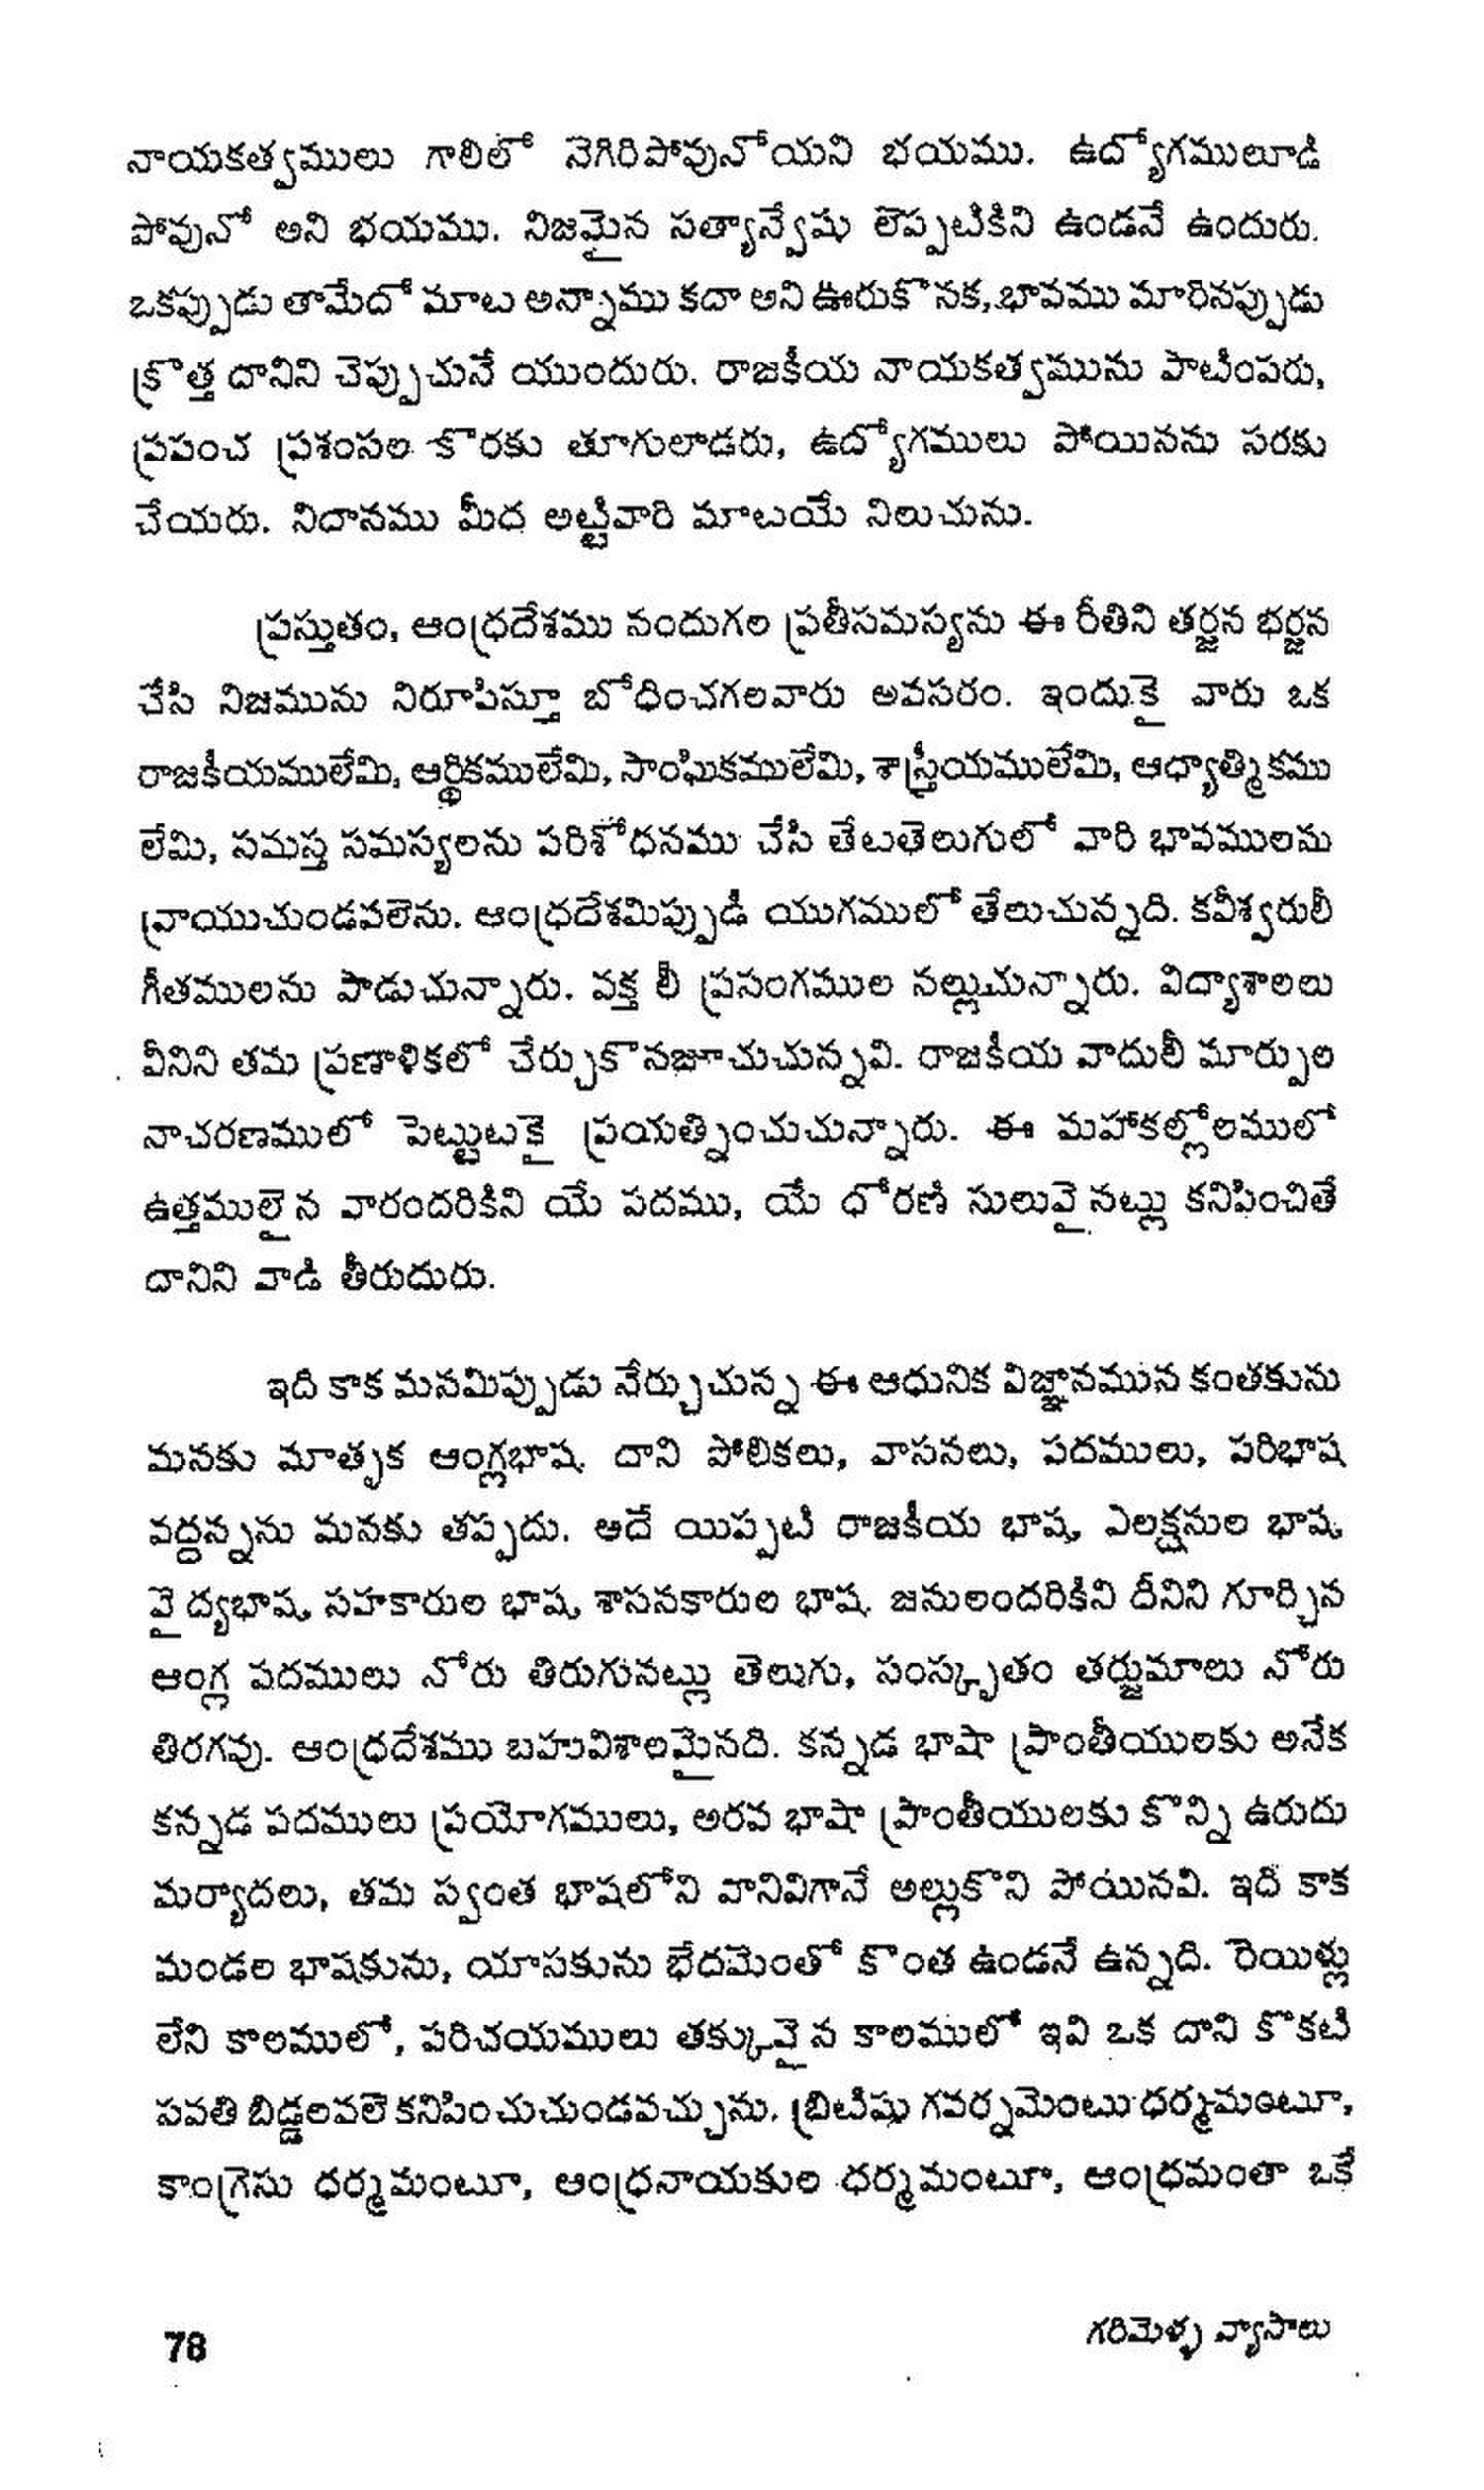నాయకత్వములు గాలిలో నెగిరిపోవునోయని భయము. ఉద్యోగములూడిపోవునో అని భయము. నిజమైన సత్యాన్వేషు లెప్పటికిని ఉండనే ఉందురు. ఒకప్పుడు తామేదో మాట అన్నాము కదా అని ఊరుకొనక, భావము మారినప్పుడు క్రొత్తదానిని చెప్పుచునే యుందురు. రాజకీయ నాయకత్వమును పాటింపరు. ప్రపంచ ప్రశంసల కొరకు తూగులాడరు. ఉద్యోగములు పోయినను సరకు చేయరు. నిదానము మీద అట్టివారి మాటయే నిలుచును.

ప్రస్తుతం, ఆంధ్రదేశము నందుగల ప్రతీసమస్యను ఈ రీతిని తర్జన భర్జన చేసి నిజమును నిరూపిస్తూ బోధించగలవారు అవసరం. ఇందుకై వారు ఒక రాజకీయములేమి, ఆర్థికములేమి, సాంఘికములేమి, శాస్త్రీయములేమి, ఆధ్యాత్మికములేమి, సమస్త సమస్యలను పరిశోధనము చేసి తేటతెలుగులో వారి భావములను వ్రాయుచుండవలెను. ఆంధ్రదేశమిప్పుడీ యుగములో తేలుచున్నది. కవీశ్వరులీ గీతములను పాడుచున్నారు. వక్త లీ ప్రసంగముల నల్లుచున్నారు. విద్యాశాలలు వీనిని తమ ప్రణాళికలో చేర్చుకొనజూచుచున్నవి. రాజకీయ వాదులీ మార్పుల నాచరణములో పెట్టుటకై ప్రయత్నించుచున్నారు. ఈ మాహాకల్లోలములో ఉత్తములైన వారందరికిని యే పదము, యే ధోరణి సులువైనట్లు కనిపించితే దానిని వాడి తీరుదురు.

ఇది కాక మనమిప్పుడు నేర్చుచున్న ఈ ఆధునిక విజ్ఞానమున కంతకును మనకు మాతృక ఆంగ్లభాష. దాని పోలికలు, వాసనలు, పదములు, పరిభాష వద్దన్నను మనకు తప్పదు. అదే యిప్పటి రాజకీయ భాష, ఏలక్షనుల భాష, వైధ్యబాష, సహకారుల భాష, శాసనకారుల భాష, జనులందరికిని దీనిని గూర్చిన ఆంగ్ల పదములు నోరు తిరుగునట్లు తెలుగు, సంస్కృతం తర్జుమాలు నోరు తిరగవు. ఆంధ్రదేశము బహువిశాలమైనది కన్నడ భాషా ప్రాంతీయులకు అనేక కన్నడ పదములు ప్రయోగములు, అరవ భాషా ప్రాంతీయులకు కొన్ని ఉరుదు మర్యాదలు, తమ స్వంత భాషలోని వానివిగానే అల్లుకొని పోయినవి. ఇదీ కాక మండల భాషకును, యాసకును భేదమెంతో కొంత ఉండనే ఉన్నది. రెయిళ్లు లేని కాలములో, పరిచయములు తక్కువైన కాలములో ఇవి ఒక దాని కొకటి సవతి బిడ్డలవలె కనిపించుచుండవచ్చును. బ్రిటిషు గవర్నమెంటుధర్మమంటూ, కాంగ్రెసు ధర్మమంటూ, ఆంధ్రనాయకుల ధర్మమంటూ, ఆంధ్రమంతా ఒకే